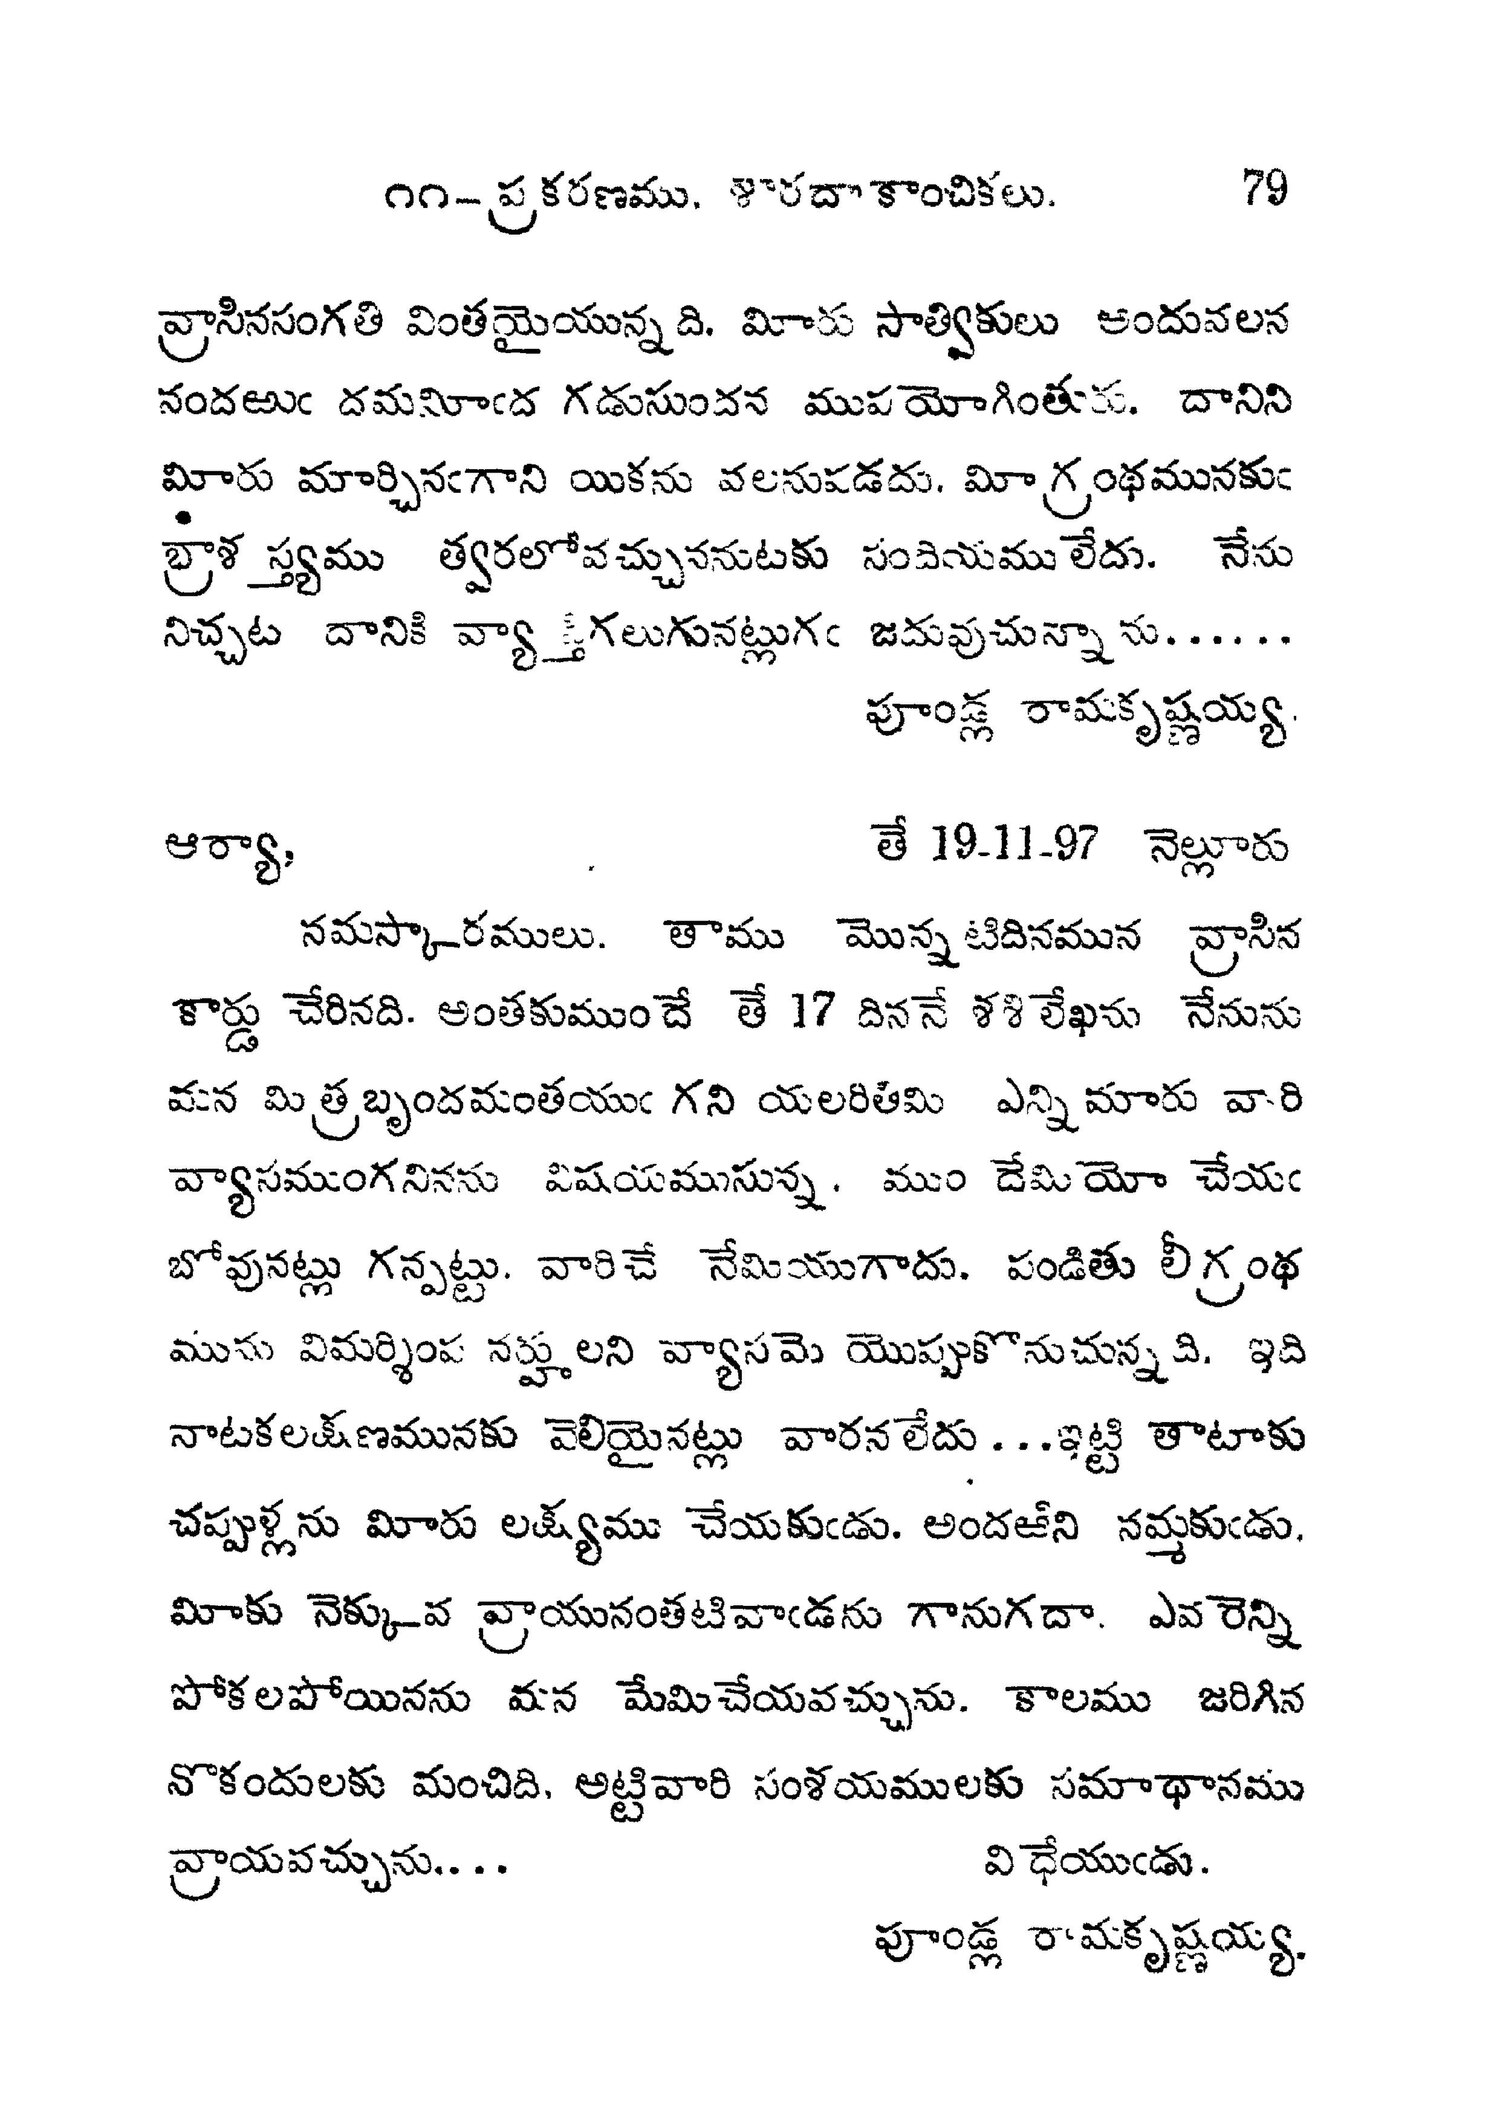వ్రాసినసంగతి వింతయైయున్నది. మీరు సాత్వికులు అందువలన నందఱు దమమీద గడుసుందన ముపయోగింతురు. దానిని మీరు మార్చినగాని యికను వలనుపడదు. మీగ్రంథమునకు బ్రాశస్త్యము త్వరలోవచ్చుననుటకు సందియములేదు. నేను నిచ్చట దానికి వ్యాప్తిగలుగునట్లుగ జదువుచున్నాను.........
పూండ్ల రామకృష్ణయ్య.

తే 19-11-97 నెల్లూరు
ఆర్యా,

నమస్కారములు. తాము మొన్నటిదినమున వ్రాసినకార్డు చేరినది. అంతకుముందే తే 17 దిననే శశిలేఖను నేనును మన మిత్రబృందమంతయు గని యలరితిమి ఎన్నిమారు వారి వ్యాసముంగనినను విషయముసున్న. ముం దేమియో చేయబోవునట్లు గన్పట్టు, వారిచే నేమియుగాదు. పండితు లీగ్రంథమును విమర్శింప నర్హులని వ్యాసమె యొప్పుకొనుచున్నది ఇది నాటకలక్షణమునకు వెలియైనట్లు వారనలేదు... ఇట్టి తాటాకు చప్పుళ్లను మీరు లక్ష్యము చేయకుడు. అందఱిని నమ్మకుడు మీకు నెక్కువ వ్రాయునంతటివాడను గానుగదా. ఎవరెన్ని పోకలపోయినను మన మేమిచేయవచ్చును. కాలము జరిగిన నొకందులకు మంచిది. అట్టివారి సంశయములకు సమాథానము వ్రాయవచ్చును.
విధేయుడు,
పూండ్ల రామకృష్ణయ్య.